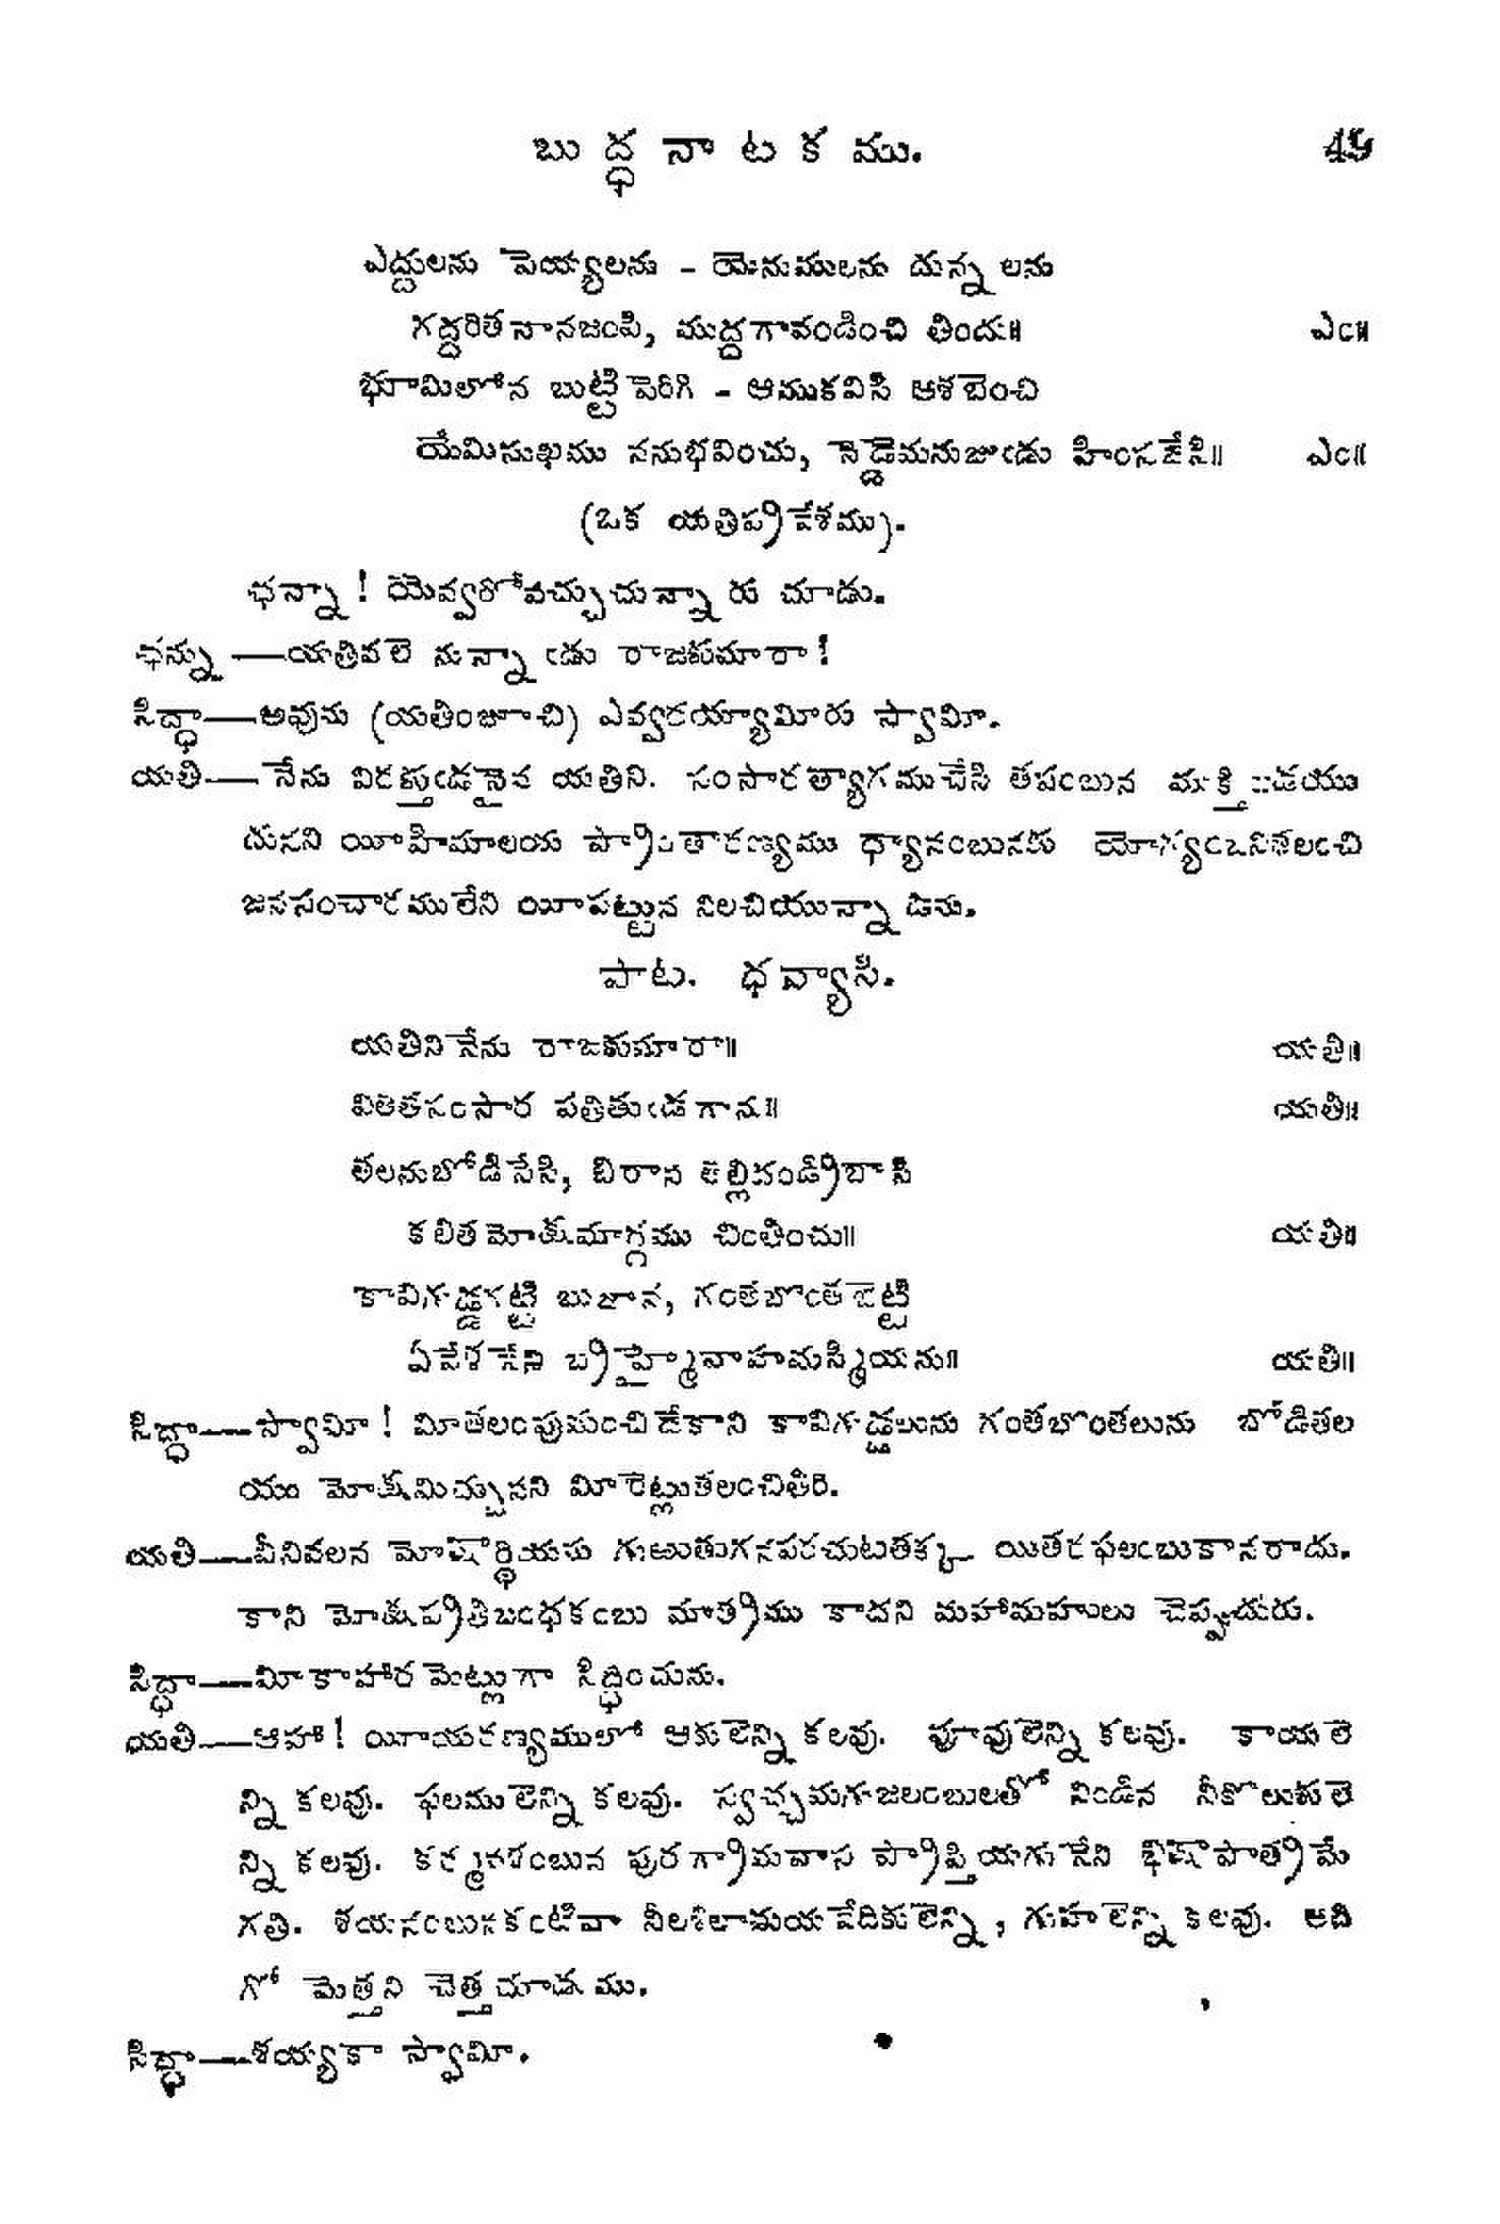ఎద్దులను సెయ్యలను యెనుములను దున్నలను
గద్దరితనానజంపి, ముద్ద గావండించి తిందు ॥ఎం॥ 
భూమిలోన బుట్టి పెరిగి - ఆముకవిసి ఆశబెంచి
యేమి సుఖము ననుభవించు, నెడ్డెమనుజుఁడు హింసజేపి॥ఎం॥  

ఛన్నా! యెవ్వరో వచ్చుచున్నారు చూడు.

ఛన్ను - యతివలె నున్నాఁడు రాజకుమారా!

సిద్ధా — అవును (యతింజూచి) ఎవ్వరయ్యా మీరు స్వామి.

యతి — నేను విరక్తుఁడవైన యతిని. సంసారత్యాగము చేసి తపంబున ముక్తిబడయుదునని యీహిమాలయ ప్రాంతారణ్యము ధ్యానంబునకు యోగ్యంబనితలంచి జనసంచారములేని యీపట్టున నిలచియున్నాడను. 

యతినినేను రాజకుమారా॥ ॥యతి॥ 
వితతసంసార పతితుఁడగాను॥ ॥యతి॥ 
తలనుబోడిసేసి, బిరాన తల్లిదండ్రిబాసి
కలిత మోక్షమార్గము చింతించు॥యతి॥ 
కానిగుడ్డకట్టి బుజాన, గంతబొంతబెట్టి
ఏవేళనేని బ్రాహ్మైవాహమస్మియను॥ ॥యతి॥  

సిద్ధా - స్వామీ! మీతలంపునుంచిదేకాని కావిగుడ్డలును గంతబొంతలును జోడితలయు మోక్షమిచ్చునని మీరేట్లుతలంచితిరి.

యతి — దీనివలన మోక్షార్థియను గుఱుతంగనపరచుటతక్క యితరఫలఁబుకానరాదు. కానీ మోక్షప్రతిబంధకఁబు మాత్రము కాదని మహామహులు చెప్పుదురు.

సిద్ధా — మీకాహారమెట్లుగా సిద్ధించును.

యతి — ఆహా! యీయరణ్యములో ఆకులెన్ని కలవు. పూవులెన్ని కలవు. కాయలెన్ని కలవు. ఫలము లెన్ని కలవు. స్వచ్చమగు జలంబులతో నిండిన నీకొలుకులెన్ని కలవు. కర్మవరంబున పుర గ్రామవాస ప్రాప్తియగునేని జ్ఞాక్షాపాత్రమేగతి. శయనంలుకంటివా నీలశిలామయ వేదికులెన్ని, గుహలెన్ని కలవు. ఆదిగో మెత్తని చెత్తచూడము.

సిద్ధా — శయ్యకా స్వామీ.